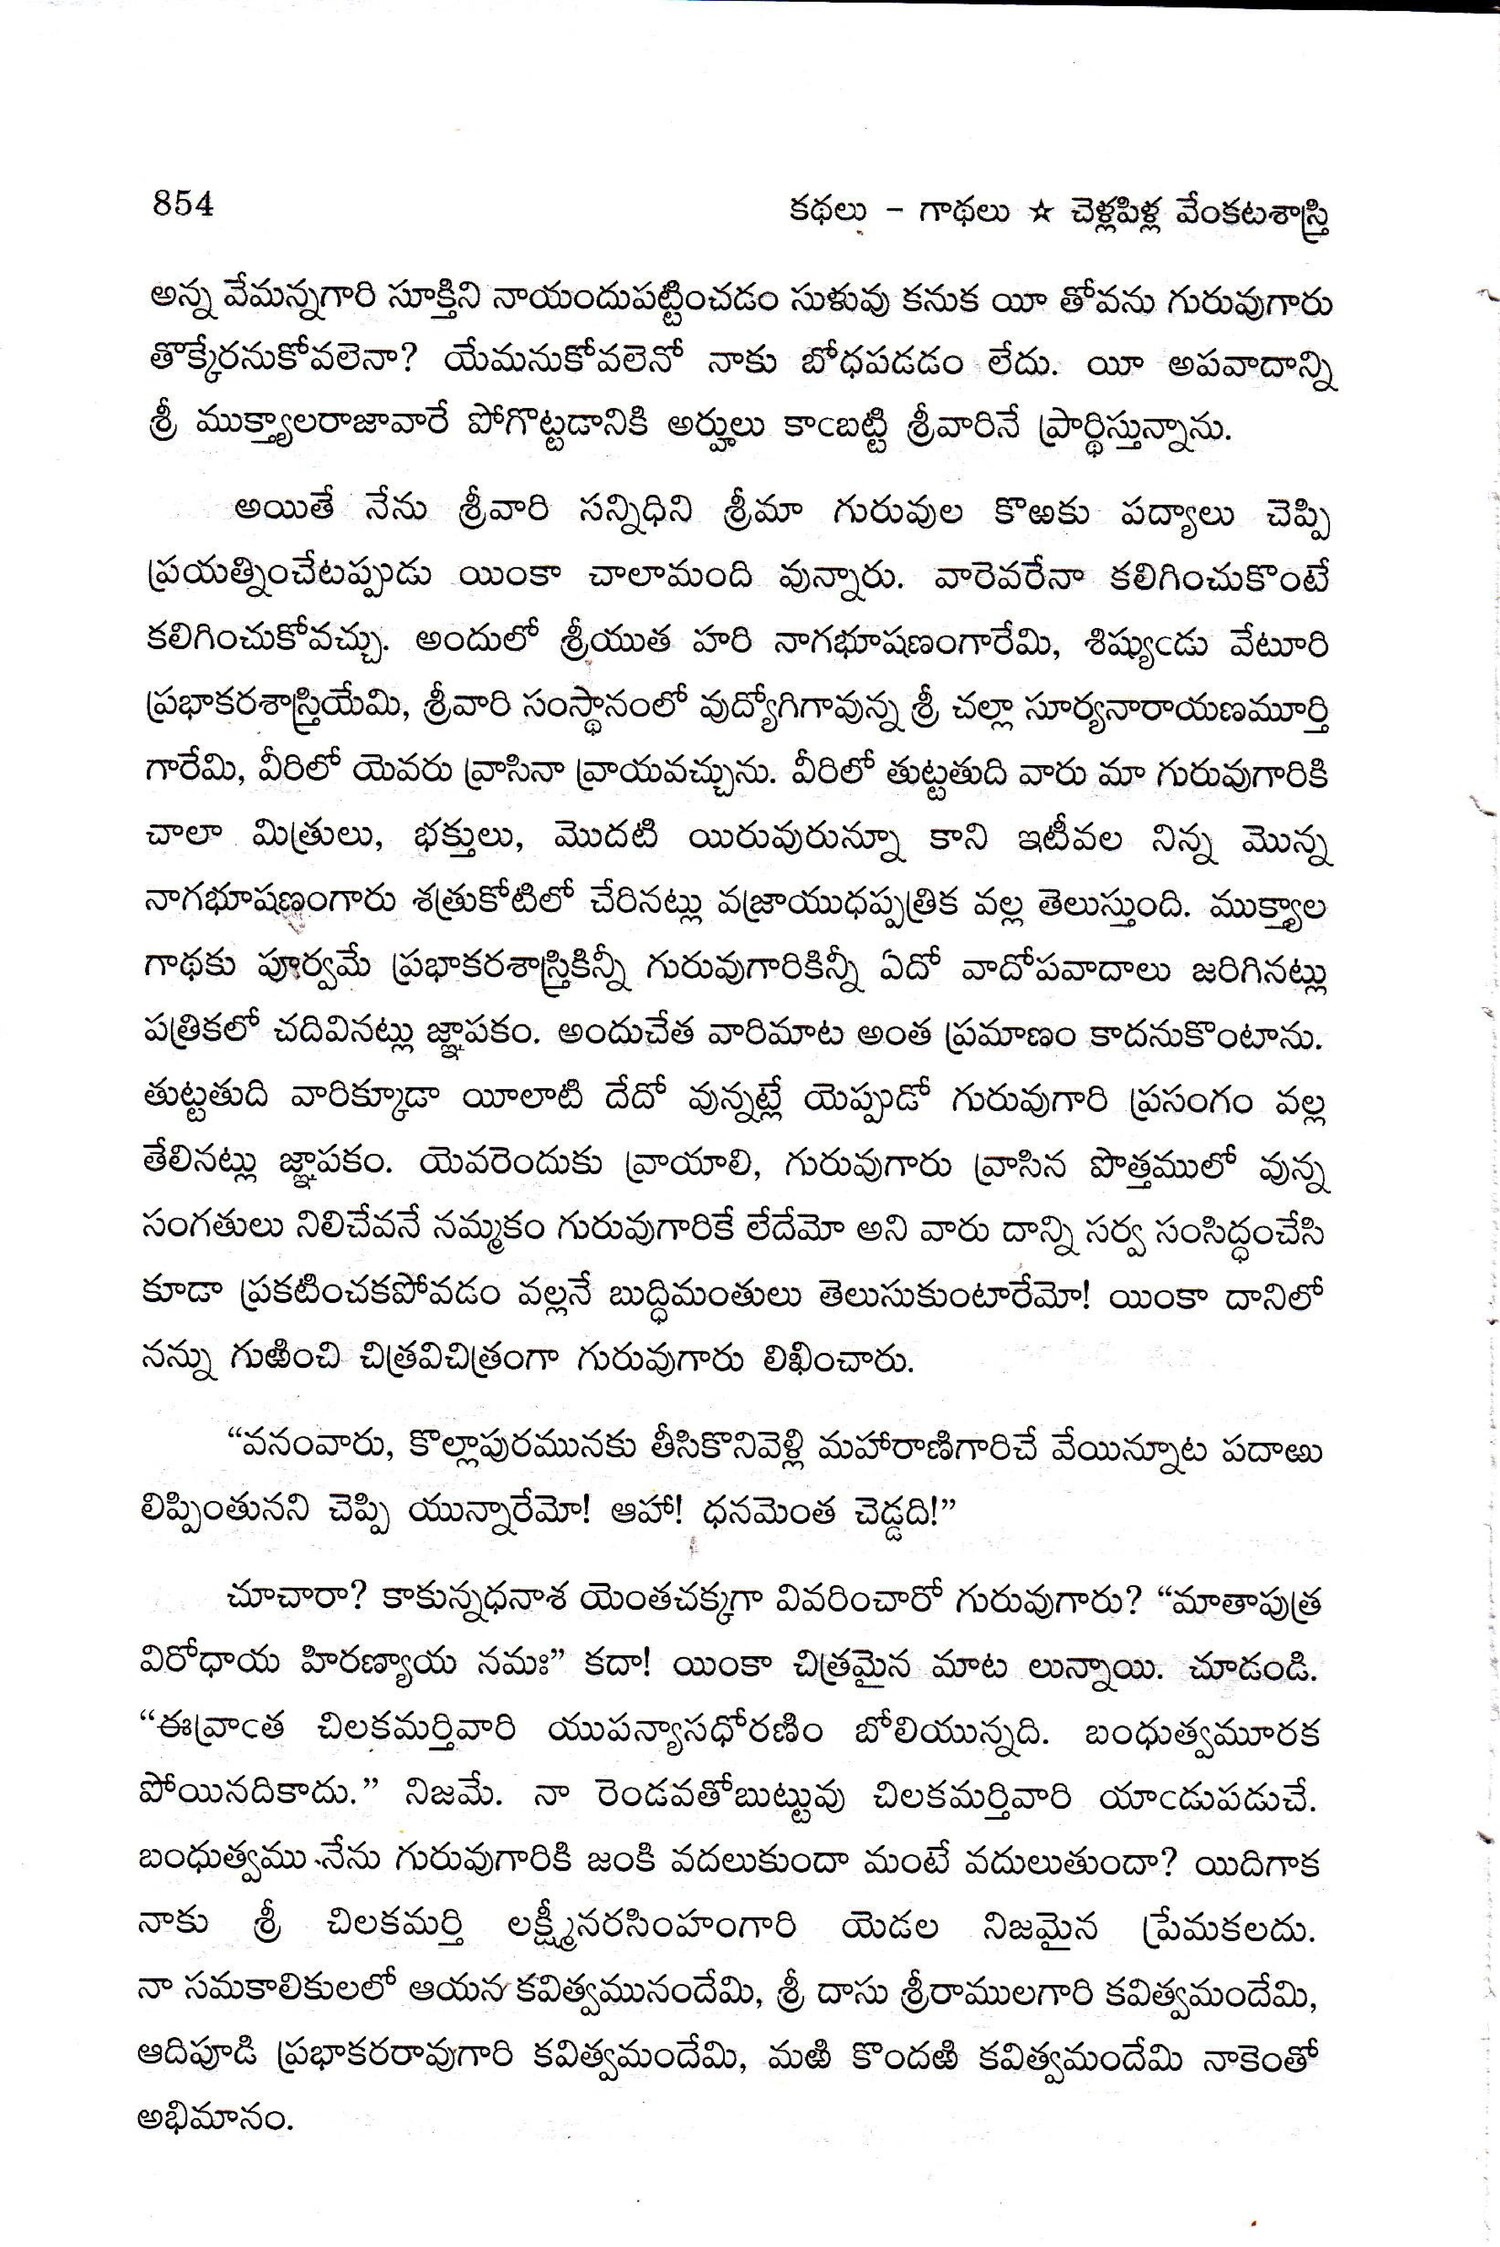అన్న వేమన్నగారి సూక్తిని నాయందుపట్టించడం సుళువు కనుక యీ తోవను గురువుగారు తొక్కేరనుకోవలెనా? యేమనుకోవలెనో నాకు బోధపడడం లేదు. యీ అపవాదాన్ని శ్రీ ముక్త్యాలరాజావారే పోగొట్టడానికి అర్హులు కాఁబట్టి శ్రీవారినే ప్రార్థిస్తున్నాను.

అయితే నేను శ్రీవారి సన్నిధిని శ్రీమా గురువుల కొఱకు పద్యాలు చెప్పి ప్రయత్నించేటప్పుడు యింకా చాలామంది వున్నారు. వారెవరేనా కలిగించుకొంటే కలిగించుకోవచ్చు. అందులో శ్రీయుత హరి నాగభూషణంగారేమి, శిష్యుఁడు వేటూరి ప్రభాకరశాస్త్రియేమి, శ్రీవారి సంస్థానంలో వుద్యోగిగావున్న శ్రీ చల్లా సూర్యనారాయణమూర్తి గారేమి, వీరిలో యెవరు వ్రాసినా వ్రాయవచ్చును. వీరిలో తుట్టతుది వారు మా గురువుగారికి చాలా మిత్రులు, భక్తులు, మొదటి యిరువురున్నూ కాని ఇటీవల నిన్న మొన్న నాగభూషణంగారు శత్రుకోటిలో చేరినట్లు వజ్రాయుధప్పత్రిక వల్ల తెలుస్తుంది. ముక్త్యాల గాథకు పూర్వమే ప్రభాకరశాస్త్రికిన్నీ గురువుగారికిన్నీ ఏదో వాదోపవాదాలు జరిగినట్లు పత్రికలో చదివినట్లు జ్ఞాపకం. అందుచేత వారిమాట అంత ప్రమాణం కాదనుకొంటాను. తుట్టతుది వారిక్కూడా యీలాటి దేదో వున్నట్లే యెప్పుడో గురువుగారి ప్రసంగం వల్ల తేలినట్లు జ్ఞాపకం. యెవరెందుకు వ్రాయాలి, గురువుగారు వ్రాసిన పొత్తములో వున్న సంగతులు నిలిచేవనే నమ్మకం గురువుగారికే లేదేమో అని వారు దాన్ని సర్వ సంసిద్దంచేసి కూడా ప్రకటించకపోవడం వల్లనే బుద్ధిమంతులు తెలుసుకుంటారేమో! యింకా దానిలో నన్ను గుఱించి చిత్రవిచిత్రంగా గురువుగారు లిఖించారు.

“వనంవారు, కొల్లాపురమునకు తీసికొనివెళ్లి మహారాణిగారిచే వేయిన్నూట పదాఱు లిప్పింతునని చెప్పి యున్నారేమో! ఆహా! ధనమెంత చెడ్డది!"

చూచారా? కాకున్నధనాశ యెంతచక్కగా వివరించారో గురువుగారు? “మాతాపుత్ర విరోధాయ హిరణ్యాయ నమః" కదా! యింకా చిత్రమైన మాట లున్నాయి. చూడండి. “ఈవ్రాఁత చిలకమర్తివారి యుపన్యాసధోరణిం బోలియున్నది. బంధుత్వమూరక పోయినదికాదు." నిజమే. నా రెండవతోబుట్టువు చిలకమర్తివారి యాఁడుపడుచే. బంధుత్వము నేను గురువుగారికి జంకి వదలుకుందా మంటే వదులుతుందా? యిదిగాక నాకు శ్రీ చిలకమర్తి లక్ష్మీనరసింహంగారి యెడల నిజమైన ప్రేమకలదు. నా సమకాలికులలో ఆయన కవిత్వమునందేమి, శ్రీ దాసు శ్రీరాములగారి కవిత్వమందేమి, ఆదిపూడి ప్రభాకరరావుగారి కవిత్వమందేమి, మఱి కొందఱి కవిత్వమందేమి నాకెంతో అభిమానం.